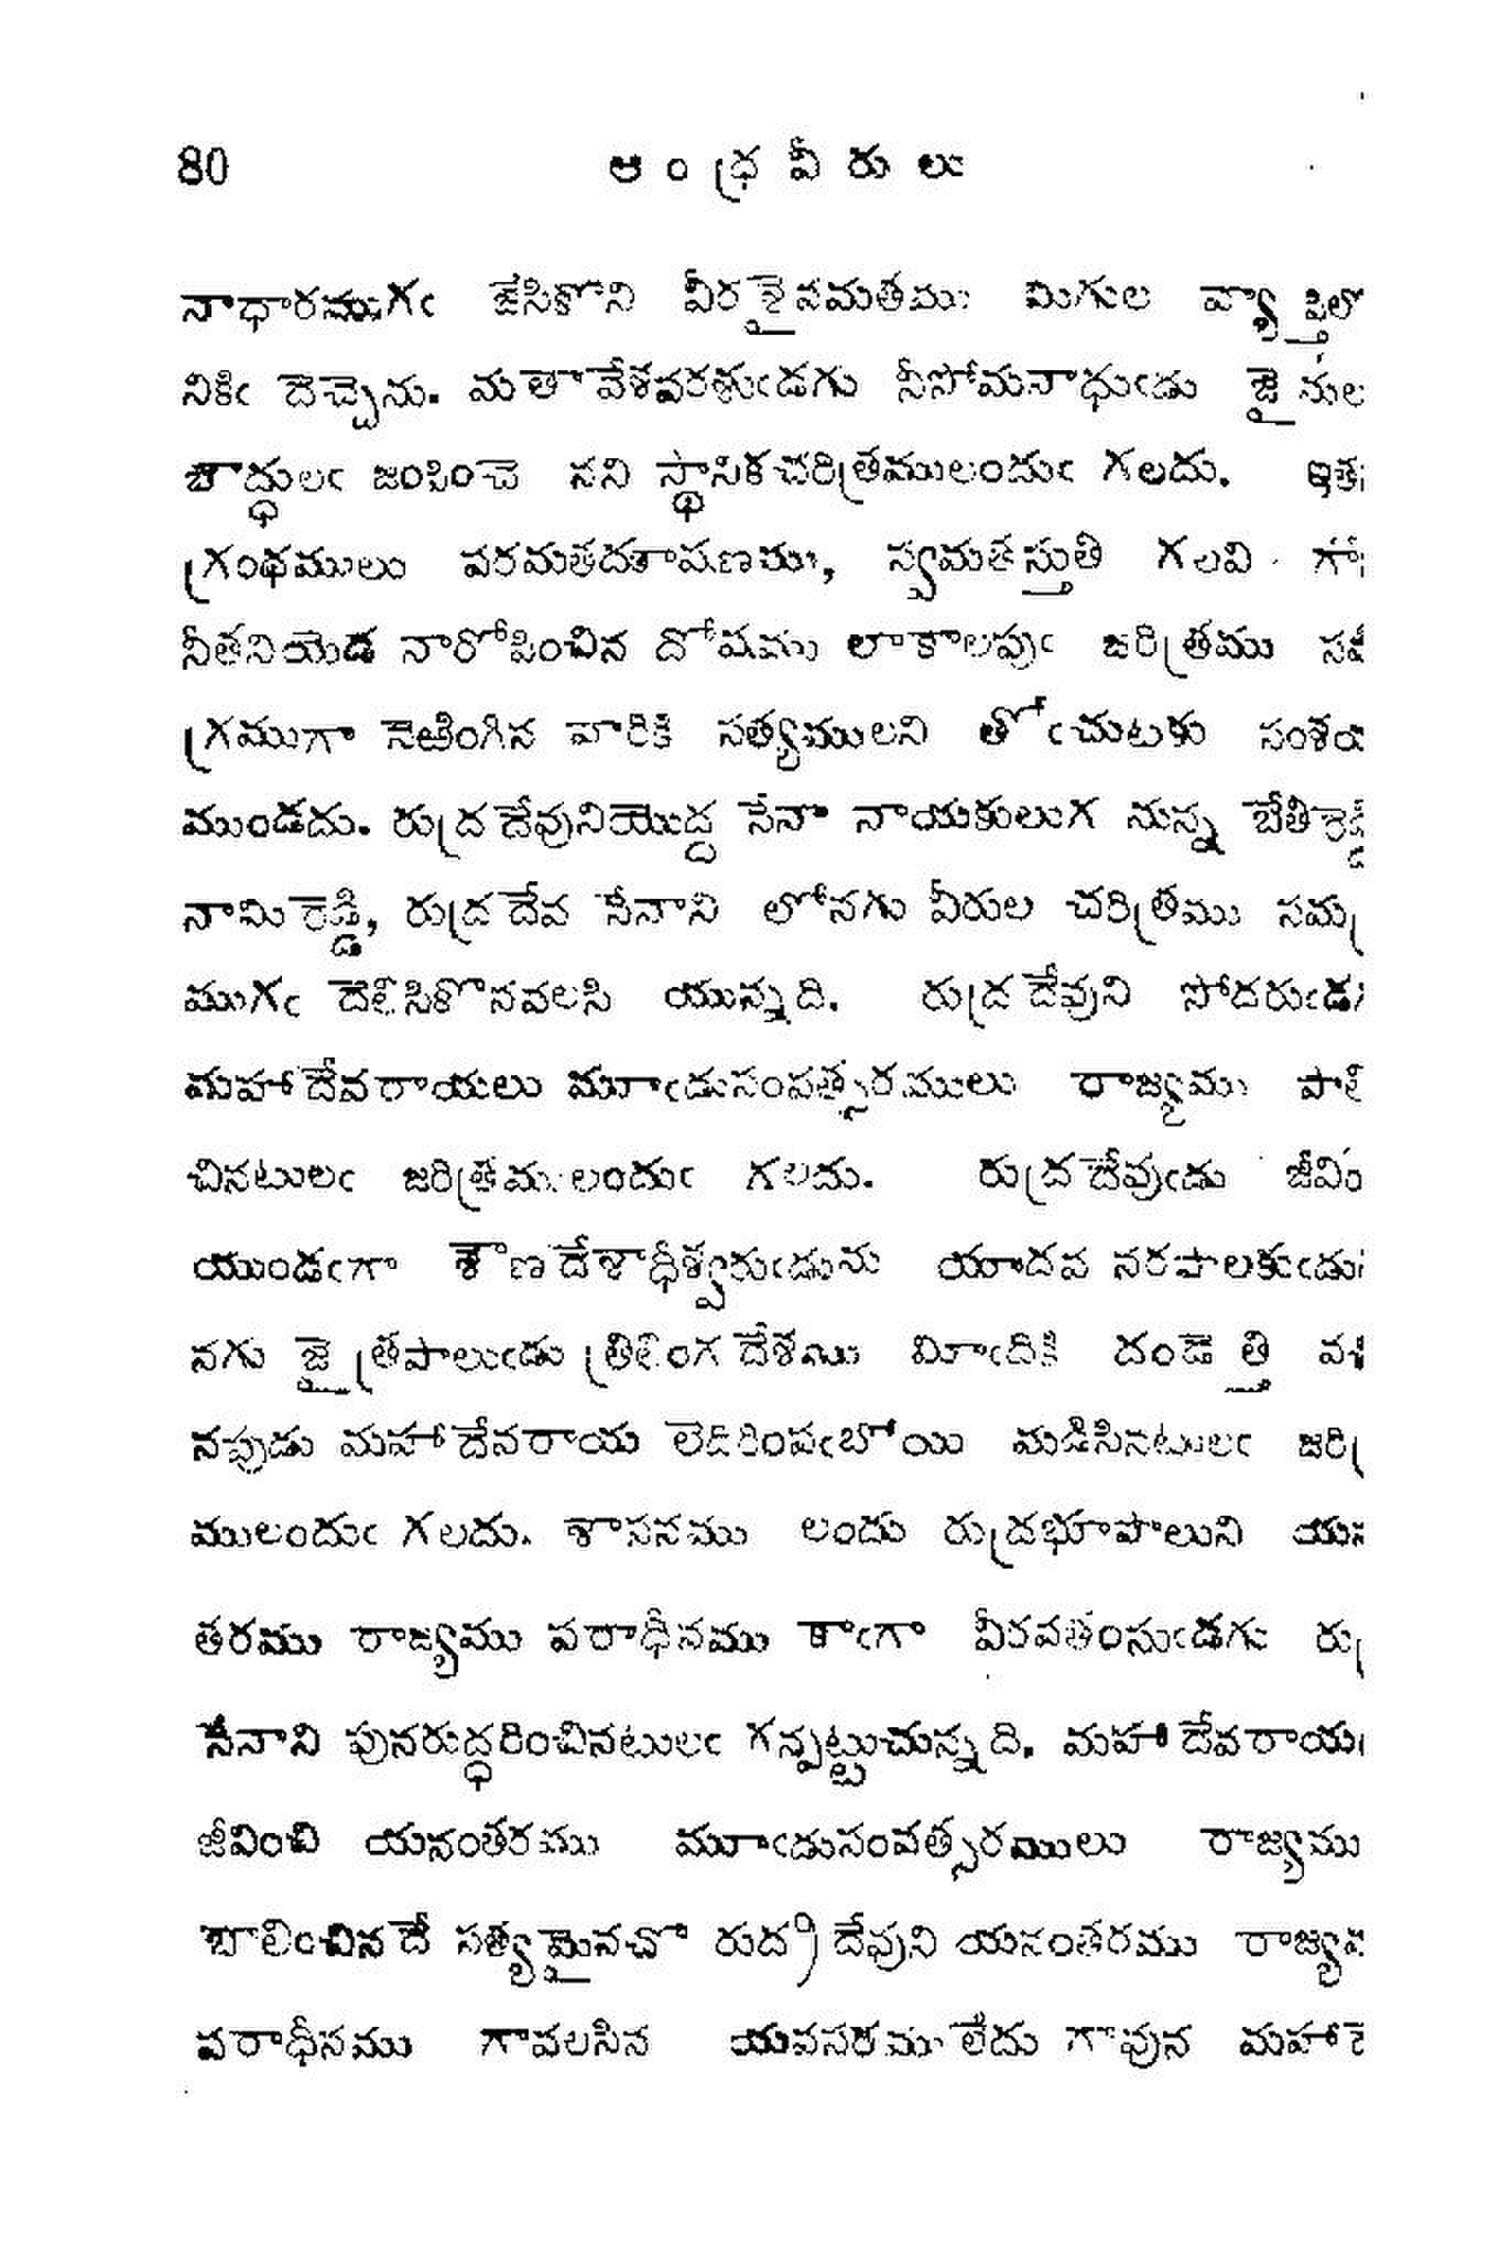నాధారముగ జేసికొని వీరశైవమతము మిగుల వ్యాప్తిలోనికి దెచ్చెను. మతావేశపరశుడగు నీసోమనాధుడు జైనుల బౌద్ధుల జంపించె నని స్థానికచరిత్రములందు గలదు. ఇతని గ్రంథములు పరమతదూషణము, స్వమతస్తుతి గలవి గాని నీతనియెడ నారోపించిన దోషము లాకాలపు జరిత్రము సమగ్రముగా నెఱింగిన వారికి సత్యములని తోచుటకు సంశయ ముండదు. రుద్రదేవునియొద్ద సేనా నాయకులుగ నున్న బేతిరెడ్డి, నామిరెడ్డి, రుద్రదేవ సేనాని లోనగు వీరుల చరిత్రము సమగ్రముగ దెలిసికొనవలసి యున్నది. రుద్రదేవుని సోదరుడు మహాదేవరాయలు మూడుసంవత్సరములు రాజ్యము పాలించినటుల జరిత్రములందు గలదు. రుద్రదేవుడు జీవించియుండగా శౌణదేశాధీశ్వరుడును యాదవ నరపాలకుడునగు జైత్రపాలుడు త్రిలింగదేశము మీదికి దండెత్తి వచ్చినపుడు మహాదేవరాయ లెదిరింపబోయి మడిసినటుల జరిత్రములందు గలదు. శాసనము లందు రుద్రభూపాలుని యనంతరము రాజ్యము పరాదీనము కాగా వీరవతంసుడగు రుద్రసేనాని పునరుద్ధరించినటుల గన్పట్టుచున్నది. మహాదేవరాయలు జీవించి యనంతరము మూడుసంవత్సరములు రాజ్యమును బాలించినదే సత్యమైనచొ రుద్రదేవుని యనంతరము రాజ్యము పరాధీనము గావలసిన యవసరములేదు గావున మహాదేవ